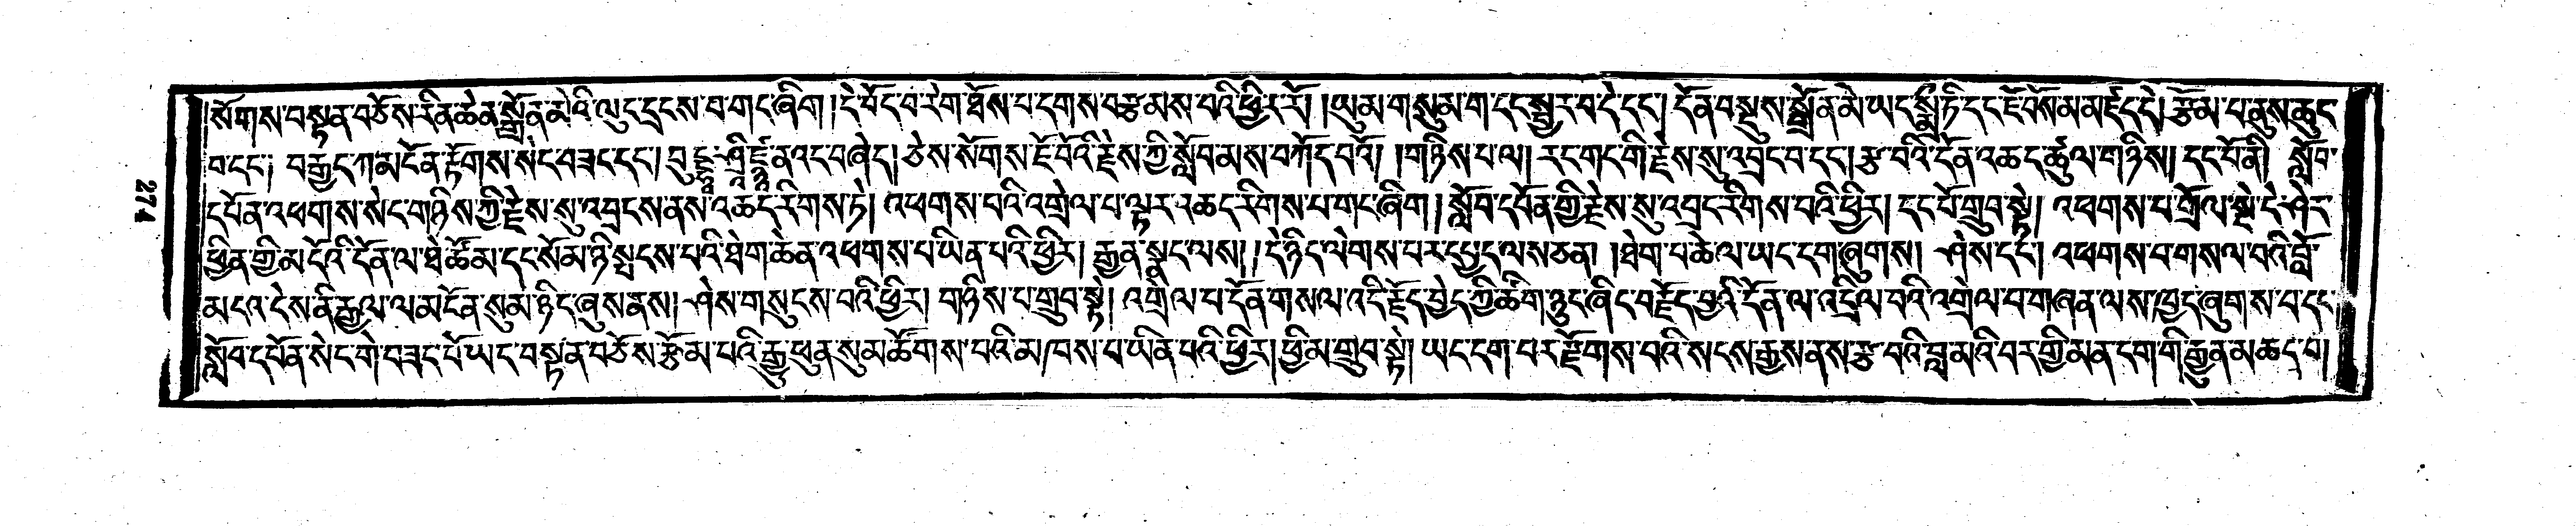སོགས་བསྟན་བཅོས་རིན་ཆེན་སྒྲོན་མའི་ལུང་དྲངས་པ་གང་ཞིག །དེ་བོད་པ་རེག་ཐོས་པ་དགས་བརྩམས་པའི་ཕྱིར་རོ། །ཡུམ་གསུམ་ག་དང་སྦྱར་བ་དེ་དང་། དོན་བསྡུས་སྒྲོན་མེ་ཡང་སྨྲྀ་ཏི་དང་ཇོ་བོས་མ་མཛད་དོ། །རྩོམ་པ་ནུས་ཆུང་
བ་དང་། བརྒྱད་ཀ་མངོན་རྟོགས་སེང་བཟང་དང་། བུདྡྷཱ་ཤྲཱི་ཛྙ་ནའང་བཞེད། ཅེས་སོགས་ཇོ་བོའི་རྗེས་ཀྱི་སློབ་མས་བཀོད་པའོ། །གཉིས་པ་ལ། རང་གང་གི་རྗེས་སུ་འབྲང་བ་དང་། རྩ་བའི་དོན་འཆད་ཚུལ་གཉིས། དང་པོ་ནི། སློབ་
དཔོན་འཕགས་སེང་གཉིས་ཀྱི་རྗེས་སུ་འབྲངས་ནས་འཆད་རིགས་ཏེ། འཕགས་པའི་འགྲེལ་པ་ལྟར་འཆད་རིགས་པ་གང་ཞིག །སློབ་དཔོན་གྱི་རྗེས་སུ་འབྲང་རིགས་པའི་ཕྱིར། དང་པོ་གྲུབ་སྟེ། འཕགས་པ་གྲོལ་སྡེ་དེ་ཤེར་
ཕྱིན་གྱི་མདོའི་དོན་ལ་ཐེ་ཚོམ་དང་སོམ་ཉི་སྤངས་པའི་ཐེག་ཆེན་འཕགས་པ་ཡིན་པའི་ཕྱིར། རྒྱན་སྣང་ལས། །དེ་ཉིད་ལེགས་པར་དཔྱད་ལས་ཅན། །ཐེག་པ་ཆེ་ལ་ཡང་དག་ཞུགས། ཤེས་དང་། འཕགས་པ་གསལ་བའི་བློ་
མངའ་དེས་ནི་རྒྱལ་ལ་མངོན་སུམ་ཉིད་ཞུས་ནས། ཤེས་གསུངས་པའི་ཕྱིར། གཉིས་པ་གྲུབ་སྟེ། འགྲེལ་པ་དོན་གསལ་འདི་རྗོད་བྱེད་ཀྱི་ཚིག་ཉུང་ཞིང་བརྗོད་བྱའི་དོན་ལ་འདྲིལ་བའི་འགྲེལ་པ་གཞན་ལས་ཁྱད་ཞུགས་པ་དང་
སློབ་དཔོན་སེང་གེ་བཟང་པོ་ཡང་བསྟན་བཅོས་རྩོམ་པའི་རྒྱུ་ཕུན་སུམ་ཚོགས་པའི་མཁས་པ་ཡིན་པའི་ཕྱིར། ཕྱི་མ་གྲུབ་སྟེ། ཡང་དག་པར་རྫོགས་པའི་སངས་རྒྱས་ནས་རྩ་བའི་བླ་མའི་བར་གྱི་མན་ངག་གི་རྒྱུན་མ་ཆད་པ།